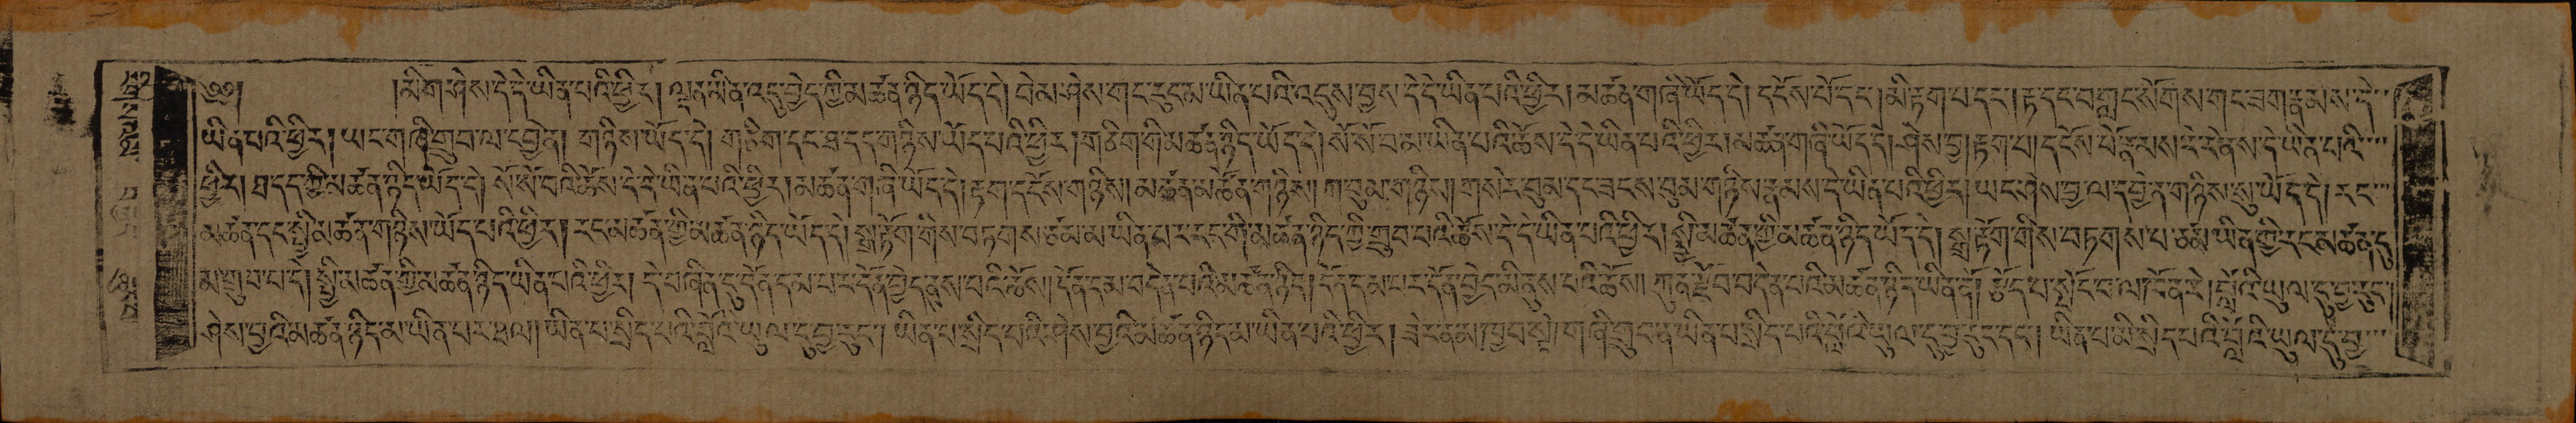༄༅། །མིག་ཤེས་དེ་དེ་ཡིན་པའི་ཕྱིར། ལྡན་མིན་འདུ་བྱེད་ཀྱི་མཚན་ཉིད་ཡོད་དེ། བེམ་ཤེས་གང་རུང་མ་ཡིན་པའི་འདུས་བྱས་དེ་དེ་ཡིན་པའི་ཕྱིར། མཚན་གཞི་ཡོད་དེ། དངོས་པོ་དང་། མི་རྟག་པ་དང་། རྟ་དང་བ་གླང་སོགས་གང་ཟག་རྣམས་དེ་
ཡིན་པའི་ཕྱིར། ཡང་གཞི་གྲུབ་ལ་དབྱེ་ན། གཉིས་ཡོད་དེ། གཅིག་དང་ཐ་དད་གཉིས་ཡོད་པའི་ཕྱིར། གཅིག་གི་མཚན་ཉིད་ཡོད་དེ། སོ་སོ་བ་མ་ཡིན་པའི་ཆོས་དེ་དེ་ཡིན་པའི་ཕྱིར། མཚན་གཞི་ཡོད་དེ། ཤེས་བྱ། རྟག་པ། དངོས་པོ་རྣམས་རེ་རེ་ནས་དེ་ཡིན་པའི་
ཕྱིར། ཐ་དད་ཀྱི་མཚན་ཉིད་ཡོད་དེ། སོ་སོ་བའི་ཆོས་དེ་དེ་ཡིན་པའི་ཕྱིར། མཚན་གཞི་ཡོད་དེ། རྟག་དངོས་གཉིས། མཚན་མཚོན་གཉིས། ཀ་བུམ་གཉིས། གསེར་བུམ་དང་ཟངས་བུམ་གཉིས་རྣམས་དེ་ཡིན་པའི་ཕྱིར། ཡང་ཤེས་བྱ་ལ་དབྱེ་ན་གཉིས་སུ་ཡོད་དེ། རང་
མཚན་དང་སྤྱི་མཚན་གཉིས་ཡོད་པའི་ཕྱིར། རང་མཚན་གྱི་མཚན་ཉིད་ཡོད་དེ། སྒྲ་རྟོག་གིས་བཏགས་ཙམ་མ་ཡིན་པར་རང་གི་མཚན་ཉིད་ཀྱི་གྲུབ་པའི་ཆོས་དེ་དེ་ཡིན་པའི་ཕྱིར། སྤྱི་མཚན་གྱི་མཚན་ཉིད་ཡོད་དེ། སྒྲ་རྟོག་གིས་བཏགས་པ་ཙམ་ཡིན་གྱི་རང་མཚན་དུ་
མ་གྲུབ་པ་དེ། སྤྱི་མཚན་གྱི་མཚན་ཉིད་ཡིན་པའི་ཕྱིར། དེ་བཞིན་དུ་དོན་དམ་པར་དོན་བྱེད་ནུས་པའི་ཆོས། དོན་དམ་བདེན་པའི་མཚན་ཉིད། དོན་དམ་པར་དོན་བྱེད་མི་ནུས་པའི་ཆོས། ཀུན་རྫོབ་བདེན་པའི་མཚན་ཉིད་ཡིན་ནོ། རྩོད་པ་སྤོང་བ་ལ་ཁོ་ན་རེ། བློའི་ཡུལ་དུ་བྱ་རུང་།
ཤེས་བྱའི་མཚན་ཉིད་མ་ཡིན་པར་ཐལ། ཡིན་པ་སྲིད་པའི་བློའི་ཡུལ་དུ་བྱ་རུང་། ཡིན་པ་སྲིད་པའི་ཤེས་བྱའི་མཚན་ཉིད་མ་ཡིན་པའི་ཕྱིར། ཟེར་ན་མ་ཁྱབ་སྟེ། གཞི་གྲུབ་ན་ཡིན་པ་སྲིད་པའི་བློའི་ཡུལ་དུ་བྱ་རུང་དང་། ཡིན་པ་མི་སྲིད་པའི་བློའི་ཡུལ་དུ་བྱ་